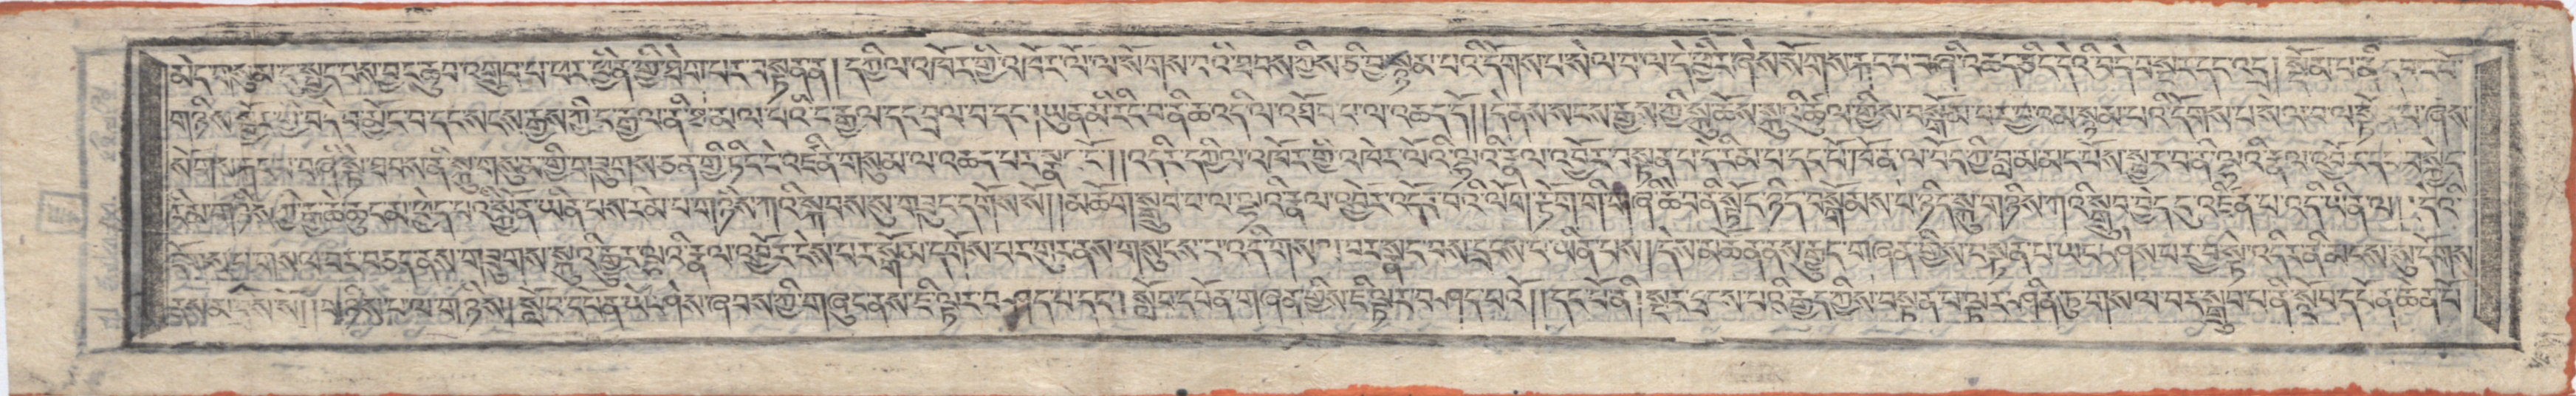མེད་གསུམ་དུ་སྤྱད་པས་བྱང་ཆུབ་འགྲུབ་པ་ཕར་ཕྱིན་གྱི་ཐེག་པར་བསྟན་ན། དཀྱིལ་འཁོར་གྱི་འཁོར་ལོ་ལ་སོགས་པའི་ཐབས་ཀྱིས་ཅི་བྱ་སྙམ་པའི་དོགས་པ་སེལ་བ་ལ་དེ་ཕྱིར་ཞེས་སོགས་རྐང་པ་བཞི་འཆད་ཅིང་དེའི་བདེ་བ་སྔར་དང་འདྲ། སྡོམ་པ་ནི་དབང་པོ་
གཉིས་སྦྱོར་གྱི་བདེ་བ་མྱོང་བ་དང་སངས་རྒྱས་ཀྱི་ང་རྒྱལ་ནི་ཐ་མལ་པའི་ང་རྒྱལ་དང་བྲལ་བ་དང་། ཡུན་མི་རིང་བ་ནི་ཆ་འདི་ལ་འཐོབ་པ་ལ་འཆད་དོ། །དེ་ནས་སངས་རྒྱས་ཀྱི་སྐུ་ཆོས་སྐུའི་ཚུལ་གྱིས་བསྒོམ་པར་བྱ་འམ་སྙམ་པའི་དོགས་པ་སེལ་བ་ལ་སྟོན་པ་ཞེས་
སོགས་རྐང་པ་བཞི་སྟེ་ཐབས་ནི་སྐུ་གསུམ་གྱི་གཟུགས་ཅན་གྱི་ཏིང་ངེ་འཛིན་གསུམ་ལ་འཆད་པར་སྣང་ངོ། །འདིར་དཀྱིལ་འཁོར་གྱི་འཁོར་ལོའི་ལྷའི་རྣལ་འབྱོར་བསྟན་པ་དེ་རིམ་པ་དང་པོ་ཁོ་ན་ལ་བོད་ཀྱི་བླ་མ་མང་པོས་སྦྱར་བ་ནི་ལྷའི་རྣལ་འབྱོར་དང་བསྐྱེད་
རིམ་གཉིས་ཀྱི་རྒྱ་ཆེ་ཆུང་མ་ཕྱེད་པའི་སྐྱོན་ཡིན་པས་རིམ་པ་གཉིས་ཀའི་སྐབས་སུ་གཟུང་དགོས་སོ། །མཆོག་སྒྲུབ་པ་ལ་ལྷའི་རྣལ་འབྱོར་འདོད་པའི་ལོག་རྟོག་གི་གཞི་ཆེ་བ་ནི་སྟོང་ཉིད་བསྒོམས་པ་ཉིད་སྐུ་གཉིས་ཀའི་སྒྲུབ་བྱེད་དུ་འཛིན་པ་འདི་ཡིན་ལ། །དེའི་
དོགས་པ་གསལ་བར་བཅད་ནས་གཟུགས་སྐུའི་རྒྱུར་ལྷའི་རྣལ་འབྱོར་ངེས་པར་སྒོམ་དགོས་པར་གུར་ནས་གསུངས་པ་འདི་གསལ་བར་སྣང་བས་དྲངས་པ་ཡིན་པས། དེས་མཚོན་ནས་རྒྱུད་གཞན་གྱིས་བསྟན་པ་ཡང་ཤེས་པར་བྱ་སྟེ་འདིར་ནི་མངས་སུ་དོགས་
ནས་མ་བྲིས་སོ། །གཉིས་པ་ལ་གཉིས། སློབ་དཔོན་ཡེ་ཤེས་ཞབས་ཀྱི་གཞུང་ནས་ཇི་ལྟར་བཤད་པ་དང་། སློབ་དཔོན་གཞན་གྱིས་ཇི་ལྟར་བཤད་པའོ། །དང་པོ་ནི། སྔར་དྲངས་པའི་རྒྱུད་ཀྱིས་བསྟན་པ་ལྟར་ཤིན་ཏུ་གསལ་བར་སྒྲུབ་པ་ནི་སློབ་དཔོན་ཆེན་པོ་